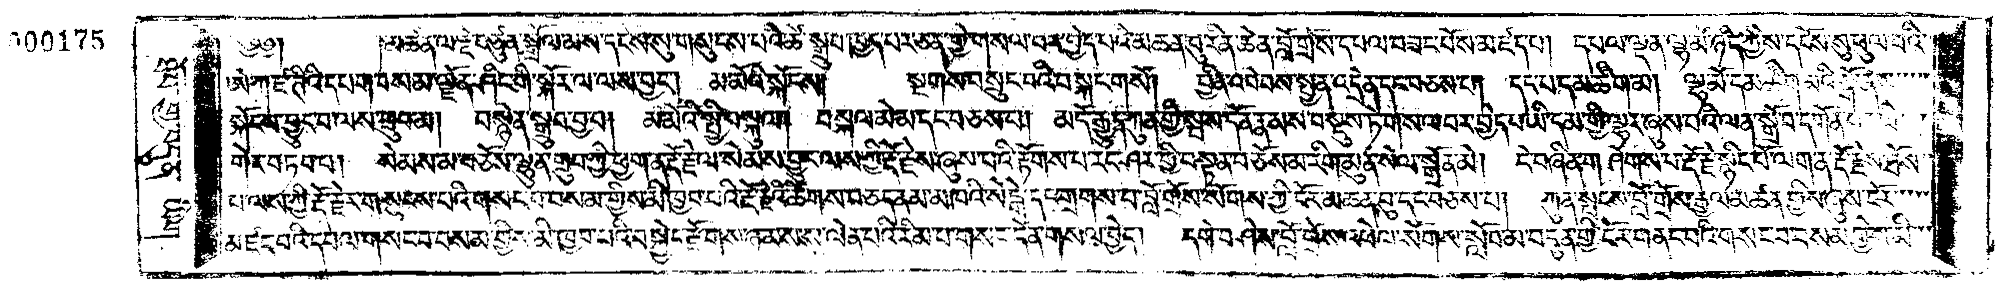༄༅། །མཚན་ལ་རྗེ་བཙུན་སྒྲོལ་མས་དངོས་སུ་གསུངས་པའི་ཚེ་སྒྲུབ་ཁྱད་པར་ཅན་གྱི་གསལ་བར་བྱེད་པའི་མཆན་བུ་རིན་ཆེན་བློ་གྲོས་དཔལ་བཟང་པོས་མཛད་པ། དཔལ་ལྡན་ལྷ་མོ་ཉིད་ཀྱིས་དངོས་སུ་ཕུལ་བའི་
ཨེ་ཀ་ཛ་ཊིའི་དཔག་བསམ་ལྗོན་ཤིང་གི་སྐོར་ལ་ལས་བྱང་། མ་མོའི་སྐོངས། སྔགས་བསྲུང་བའི་བསྐང་གསོ། བྱིན་འབེབས་སྤྱན་འདྲེན་དང་བཅས་པ། དང་པ་དམ་ཚིག་མ། ལྷ་མོ་དམ་ཚིག་མའི་སྒོ་ནས་
སྐོངས་བྱུང་བ་ལས་གྲུབ་མ། བསྙེན་སྒྲུབ་བྱ་བ། མ་མོའི་སྤྱི་བསྐུལ། བསྐལ་མེ་མ་དང་བཅས་པ། མདོ་རྒྱུད་ཀུན་གྱི་སྦས་དོན་རྣམས་བསྡུས་ཏེ་གསལ་བར་བྱེད་པ་ཡི་དམ་གྱི་ལར་ཞུས་པའི་ལན་སྒྲོབ་དགོན་པར་ཡི་
གེར་བཏབ་པ། སེམས་མ་བཅོས་ལྷུན་གྲུབ་ཀྱི་ཕྱག་ན་རྡོ་རྗེ་ལ་སེམས་བྱུང་ལས་ཀྱི་རྡོ་རྗེས་ཞུས་པའི་རྟོགས་པ་རང་ཤར་གྱི་བསྟན་བཅོས་མ་རིག་མུན་སེལ་སྒྲོན་མེ། དེ་བཞིན་གཤེགས་པ་རྡོ་རྗེ་སྙིང་པོ་ལག་ན་རྡོ་རྗེས་ཐོས་
པ་ལས་ཀྱི་རྡོ་རྗེར་གསུངས་པའི་གསང་བ་བསམ་གྱིས་མི་ཁྱབ་པའི་རྡོ་རྗེའི་ཚིགས་བཅད་ནམ་མཁའི་སེངྒེ་དང་གྲགས་པ་བློ་གྲོས་སོགས་ཀྱི་ངོར་མཆན་བུ་དང་བཅས་པ། ཀུན་སྤངས་བློ་གྲོས་རྒྱལ་མཚན་གྱིས་ཞུས་ངོར་
མཛད་པའི་དཔལ་གསང་བ་བསམ་གྱིས་མི་ཁྱབ་པའི་བསྐྱེད་རྫོགས་ཉམས་སུ་ལེན་པའི་རིམ་པ་གསང་དོན་གསལ་བྱེད། དགེ་བཤེས་བློ་གྲོས་འཕེལ་སོགས་སློབ་མ་བདུན་གྱི་ངོར་གནང་བའི་གསང་བ་བསམ་གྱིས་མི་